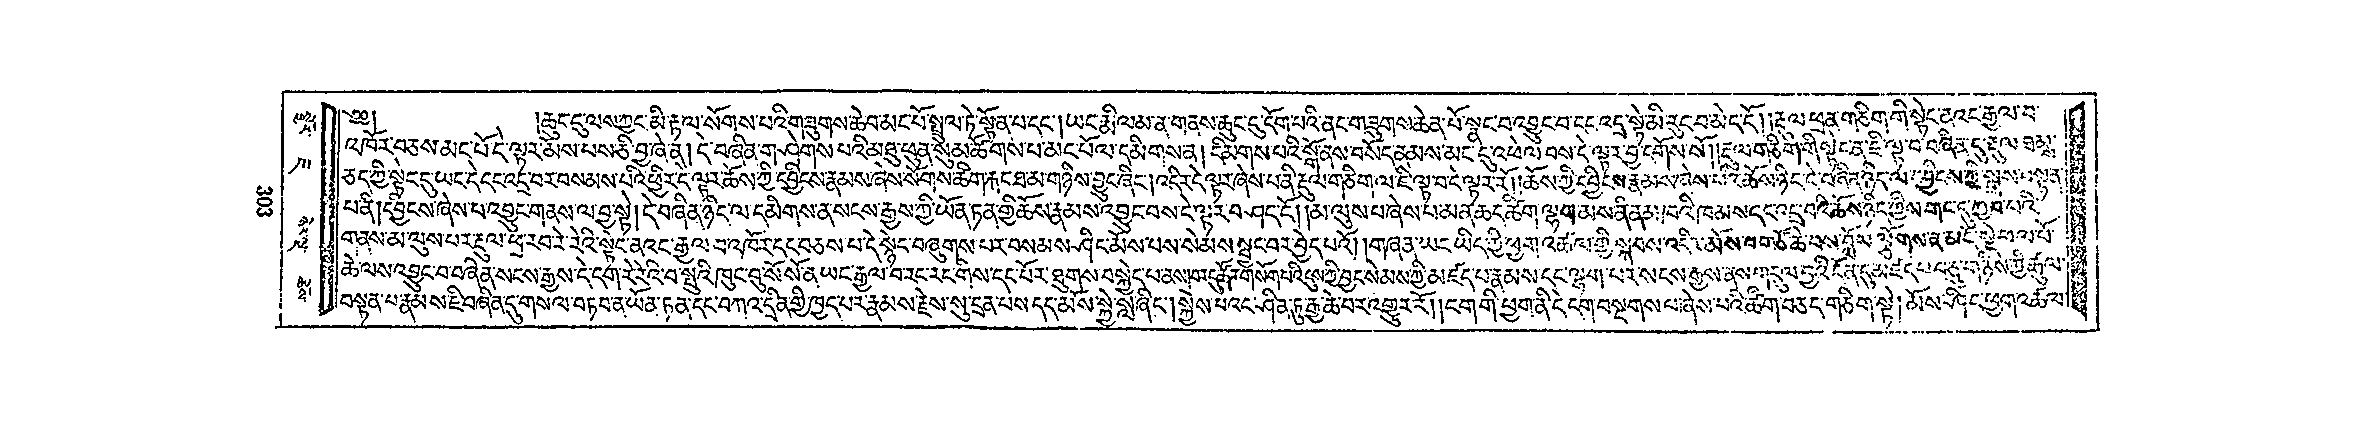༄༅། །ཆུང་ངུ་ལས་ཀྱང་མི་རྟ་ལ་སོགས་པའི་གཟུགས་ཆེ་བ་མང་པོ་སྤྲུལ་ཏེ་སྟོན་པ་དང་། ཡང་རྨི་ལམ་ན་གནས་ཆུང་ངུ་དོག་པའི་ནང་གཟུགས་ཆེན་པོ་སྣང་བ་འབྱུང་བ་དང་འདྲ་སྟེ་མི་རུང་བ་མེད་དོ། །རྡུལ་ཕྲན་གཅིག་གི་སྟེང་ནའང་རྒྱལ་བ་
འཁོར་བཅས་མང་པོ་དེ་ལྟར་མོས་པས་ཅི་བྱ་ཞེ་ན། དེ་བཞིན་གཤེགས་པའི་མཐུ་ཕུན་སུམ་ཚོགས་པ་མང་པོ་ལ་དམིགས་ན། དམིགས་པའི་སྒོ་ནས་བསོད་ནམས་མང་དུ་འཕེལ་བས་དེ་ལྟར་བྱ་དགོས་སོ། །རྡུལ་གཅིག་གི་སྟེང་ན་ཇི་ལྟ་བ་བཞིན་དུ་རྡུལ་ཐམས་
ཅད་ཀྱི་སྟེང་དུ་ཡང་དེ་དང་འདྲ་བར་བསམས་པའི་ཕྱིར་དེ་ལྟར་ཆོས་ཀྱི་དབྱིངས་རྣམས་ཞེས་སོགས་ཚིག་རྐང་ཐ་མ་གཉིས་བྱུང་ཞིང་། འདིར་དེ་ལྟར་ཞེས་པ་ནི་རྡུལ་གཅིག་ལ་ཇི་ལྟ་བ་དེ་ལྟར་རོ། །ཆོས་ཀྱི་དབྱིངས་རྣམས་ཞེས་པའི་ཆོས་ཉིད་དེ་བཞིན་ཉིད་ལ་དབྱིངས་ཀྱི་སྒྲས་བསྟན་
པ་ནི། དབྱིངས་ཞེས་པ་འབྱུང་གནས་ལ་བྱ་སྟེ། དེ་བཞིན་ཉིད་ལ་དམིགས་ན་སངས་རྒྱས་ཀྱི་ཡོན་ཏན་གྱི་ཆོས་རྣམས་འབྱུང་བས་དེ་ལྟར་བཤད་དོ། །མ་ལུས་པ་ཞེས་པ་མན་ཆད་ཚིག་ལྷག་མས་ནི་ནམ་མཁའི་ཁམས་དང་འདྲ་བའི་ཆོས་ཉིད་ཀྱིས་གང་དུ་ཁྱབ་པའི་
གནས་མ་ལུས་པར་རྡུལ་ཕྲ་རབ་རེ་རེའི་སྟེང་ནའང་རྒྱལ་བ་འཁོར་དང་བཅས་པ་དེ་སྙེད་བཞུགས་པར་བསམས་ཤིང་མོས་པས་སེམས་སྦྱང་བར་བྱེད་པའོ། །གཞན་ཡང་ཡིད་ཀྱི་ཕྱག་འཚལ་གྱི་སྐབས་འདིར་མོས་པ་གཙོ་ཆེ་བས་བློས་ལྕོགས་ན་མདོ་སྡེ་ཕལ་པོ་
ཆེ་ལས་འབྱུང་བ་བཞིན་སངས་རྒྱས་དེ་དག་རེ་རེའི་བ་སྤུའི་ཁུང་བུ་སོ་སོ་ན་ཡང་རྒྱལ་བ་རང་རང་གིས་དང་པོར་ཐུགས་བསྐྱེད་པ་ནས། བར་དུ་ཚོགས་གསོག་པའི་དུས་ཀྱི་བྱང་སེམས་ཀྱི་མཛད་པ་རྣམས་དང་ལྷག་པར་སངས་རྒྱས་ནས་གདུལ་བྱའི་དོན་དུ་མཛད་པ་བཅུ་གཉིས་ཀྱི་ཚུལ་
བསྟན་པ་རྣམས་ཇི་བཞིན་དུ་གསལ་བཏབ་ན་ཡོན་ཏན་དང་བཀའ་དྲིན་གྱི་ཁྱད་པར་རྣམས་རྗེས་སུ་དྲན་པས་དད་མོས་སྐྱེ་སླ་ཞིང་། སྐྱེས་པའང་ཤིན་ཏུ་རྒྱ་ཆེ་བར་འགྱུར་རོ། །ངག་གི་ཕྱག་ནི་དེ་དག་བསྔགས་པ་ཞེས་པའི་ཚིག་བཅད་གཅིག་སྟེ། མོས་ཤིང་ཕྱག་འཚལ་